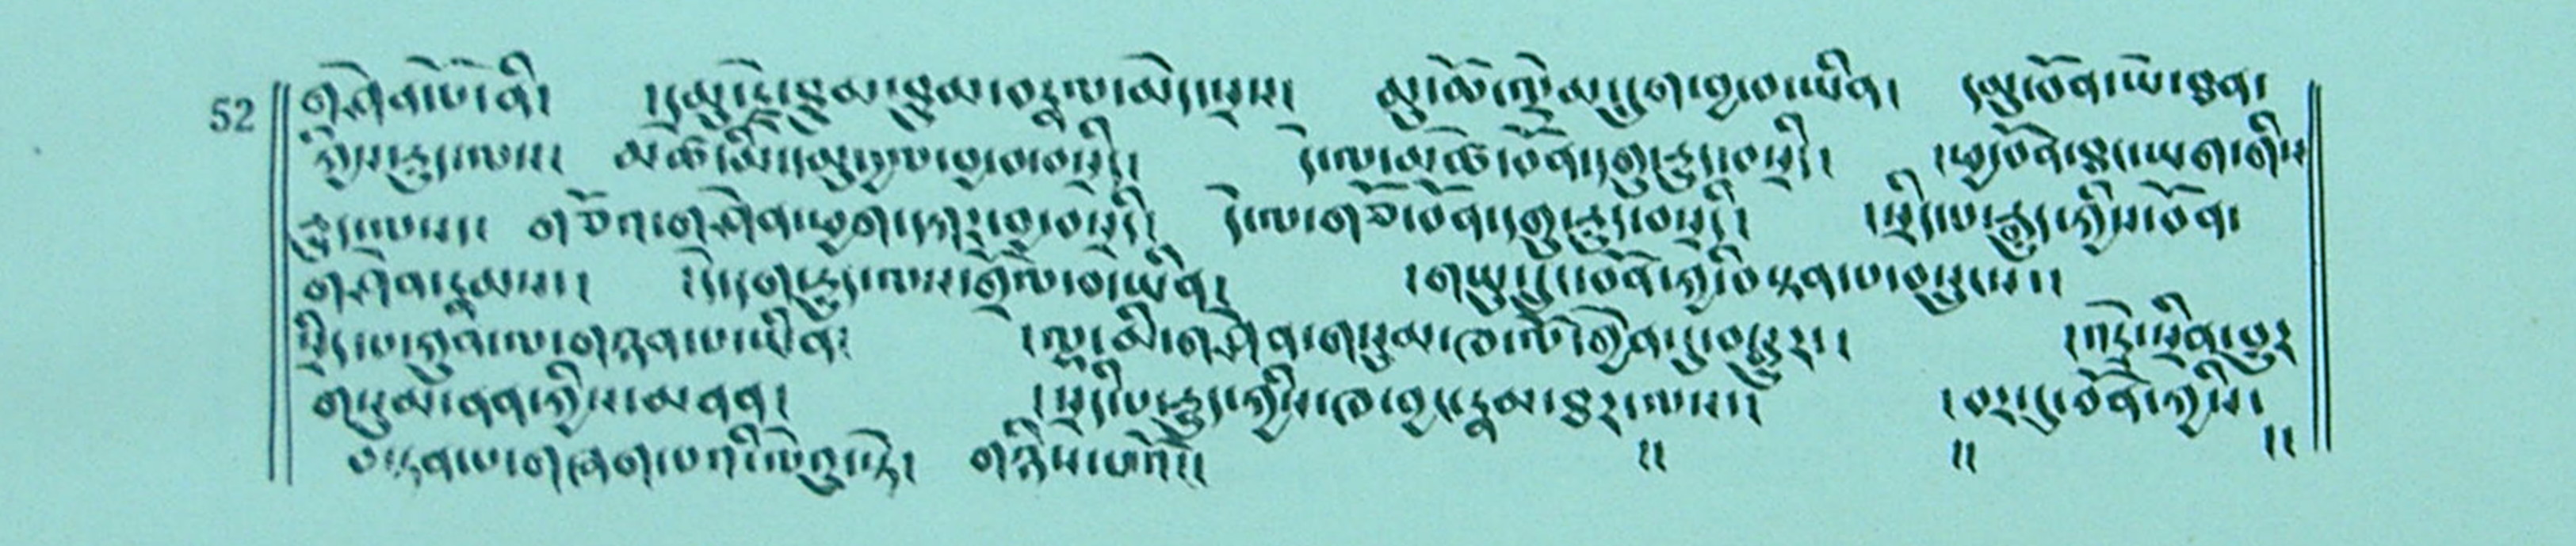གཤེན་པོ་ནི། དམུ་རྗེ་ཐུམ་ཐུམ་བརྣལ་མེད་སྲས། མུ་ཆོ་ལྡེམ་དྲུག་བྱ་བ་ཡིན། དམུ་བོན་ཡེ་ཐན་
གྱི་རྒྱུད་ལས། མཚེ་མི་དམུ་རྒྱལ་བྱ་བ་སྲིད། དེ་ལ་མཚེའ་བོན་དགུ་རྒྱུད་སྲིད། ཕྱྭ་བོན་ཐང་ཡག་གི་
རྒྱུད་ལས། གཅོའ་གཤེན་ཕྱྭ་དཀར་བྱ་བསྲིད། དེ་ལ་གཅོ་བོན་དགུ་རྒྱུད་བསྲིད། སྲིད་པ་རྒྱུད་ཀྱི་བོན་
གཤེན་རྣམས། དེ་དག་གི་རྒྱུད་ལས་གྲོལ་བ་ཡིན། གཡུང་དྲུང་བོན་གྱི་བསྟན་པ་བསྲུངས། 
སྲིད་པ་ཀུན་ལ་གཉན་པ་ཡིན། ལྷ་མི་གཤེན་གསུམ་ཁ་ལོ་གྱེན་དུ་བསྒྱུར། འདྲེ་སྲིན་བྱུར་
གསུམ་ནན་གྱིས་མནན། སྲིད་པ་རྒྱུད་ཀྱི་ཁ་བྱང་རྣམ་ཐར་ལས། 
བར་དུ་བོན་གྱི་བསྟན་པ་བཞག་པའི་ལེའུ་སྟེ། གཉིས་པའོ།། །།